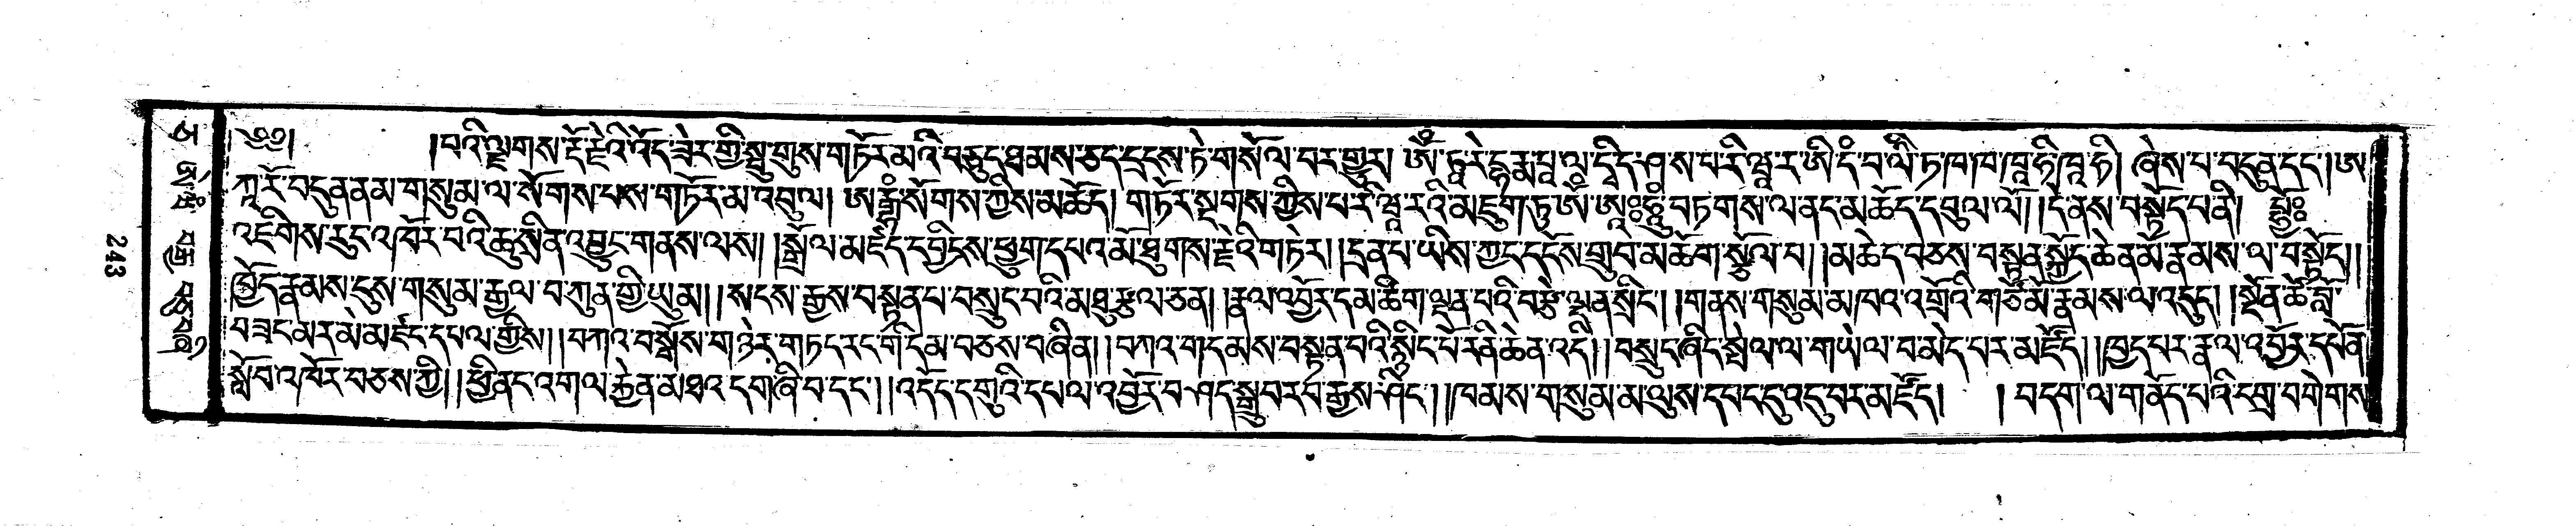༄༅། །པའི་ལྗགས་རྡོ་རྗེའི་འོད་ཟེར་གྱི་སྦུ་གུས་གཏོར་མའི་བཅུད་ཐམས་ཅད་དྲངས་ཏེ་གསོལ་བར་གྱུར། ཨོཾ་ཏཱ་རེ་དྷ་རྨ་པཱ་ལ་དྭི་ད་ཤ་ས་པ་རི་ཝཱ་ར་ཨི་དཾ་བ་ལིཾ་ཏ་ཁ་ཁ་ཁཱ་ཧི་ཁཱ་ཧི། ཞེས་པ་བདུན་དང་། ཨ་
ཀཱ་རོ་བདུན་ནམ་གསུམ་ལ་སོགས་པས་གཏོར་མ་འབུལ། ཨརྒྷཾ་སོགས་ཀྱིས་མཆོད། གཏོར་སྔགས་ཀྱིས་པ་རི་ཝཱ་རའི་མཇུག་ཏུ་ཨོཾ་ཨཱཿ ཧཱུཾ་བཏགས་ལ་ནང་མཆོད་དབུལ་ལོ། །དེ་ནས་བསྟོད་པ་ནི། བྷྱོཿ
འཇིགས་རུང་འཁོར་བའི་ཆུ་སྲིན་འབྱུང་གནས་ལས། །སྒྲོལ་མཛད་དབྱིངས་ཕྱུག་དཔའ་མོ་ཐུགས་རྗེའི་གཏེར། །དྲན་པ་ཡིས་ཀྱང་དངོས་གྲུབ་མཆོག་སྩོལ་བ། །མཆེད་བཅས་བསྟན་སྐྱོང་ཆེན་མོ་རྣམས་ལ་བསྟོད། །
ཁྱོད་རྣམས་དུས་གསུམ་རྒྱལ་བ་ཀུན་གྱི་ཡུམ། །སངས་རྒྱས་བསྟན་པ་བསྲུང་བའི་མཐུ་རྩལ་ཅན། །རྣལ་འབྱོར་དམ་ཚིག་ལྡན་པའི་བརྩེ་ལྡན་སྲིང་། །གནས་གསུམ་མཁའ་འགྲོའི་གཙོ་མོ་རྣམས་ལ་འདུད། །སྔོན་ཚེ་བློ་
བཟང་མར་མེ་མཛད་དཔལ་གྱིས། །བཀའ་བསྒོས་གཉེར་གཏད་རང་གི་དམ་བཅས་བཞིན། །བཀའ་གདམས་བསྟན་པའི་སྙིང་པོ་རིན་ཆེན་འདི། །བསྲུང་ཞིང་སྤེལ་ལ་གཡེལ་བ་མེད་པར་མཛོད། །ཁྱད་པར་རྣལ་འབྱོར་དཔོན་
སློབ་འཁོར་བཅས་ཀྱི། །ཕྱི་ནང་འགལ་རྐྱེན་མཐའ་དག་ཞི་བ་དང་། །འདོད་དགུའི་དཔལ་འབྱོར་བཤད་སྒྲུབ་རབ་རྒྱས་ཤིང་། །ཁམས་གསུམ་མ་ལུས་དབང་དུ་འདུ་བར་མཛོད། །བདག་ལ་གནོད་པའི་དགྲ་བགེགས་